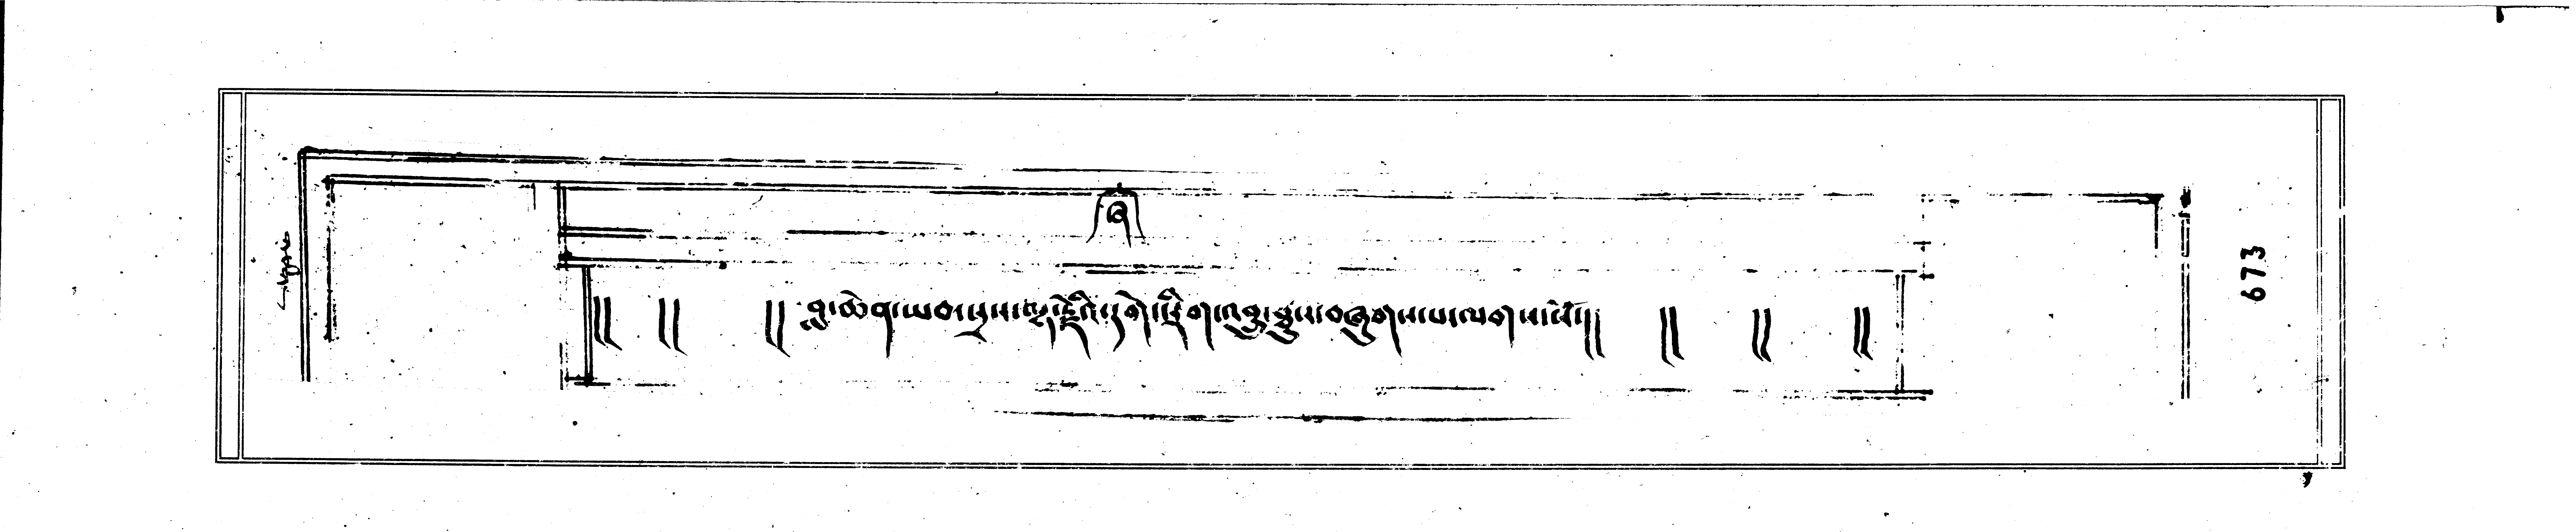༼ཞ༽།།བླ་ཆེན་ཡབ་སྲས་ལྷ་རྗེའི་དགེ་སྡིག་འབྲུ་ཐུས་བཞུགས་པ་ལགས་སོ།། །།༼དྲན་པ་ཡབ་སྲས་ཀྱིས་སྤྲུལ་སྐུ་གཤེན་སྲས་ལྷ་རྗེ་ལ་དགེ་སྡིག་ཤན་འབྱེད་བཞུགས་སོ།༽